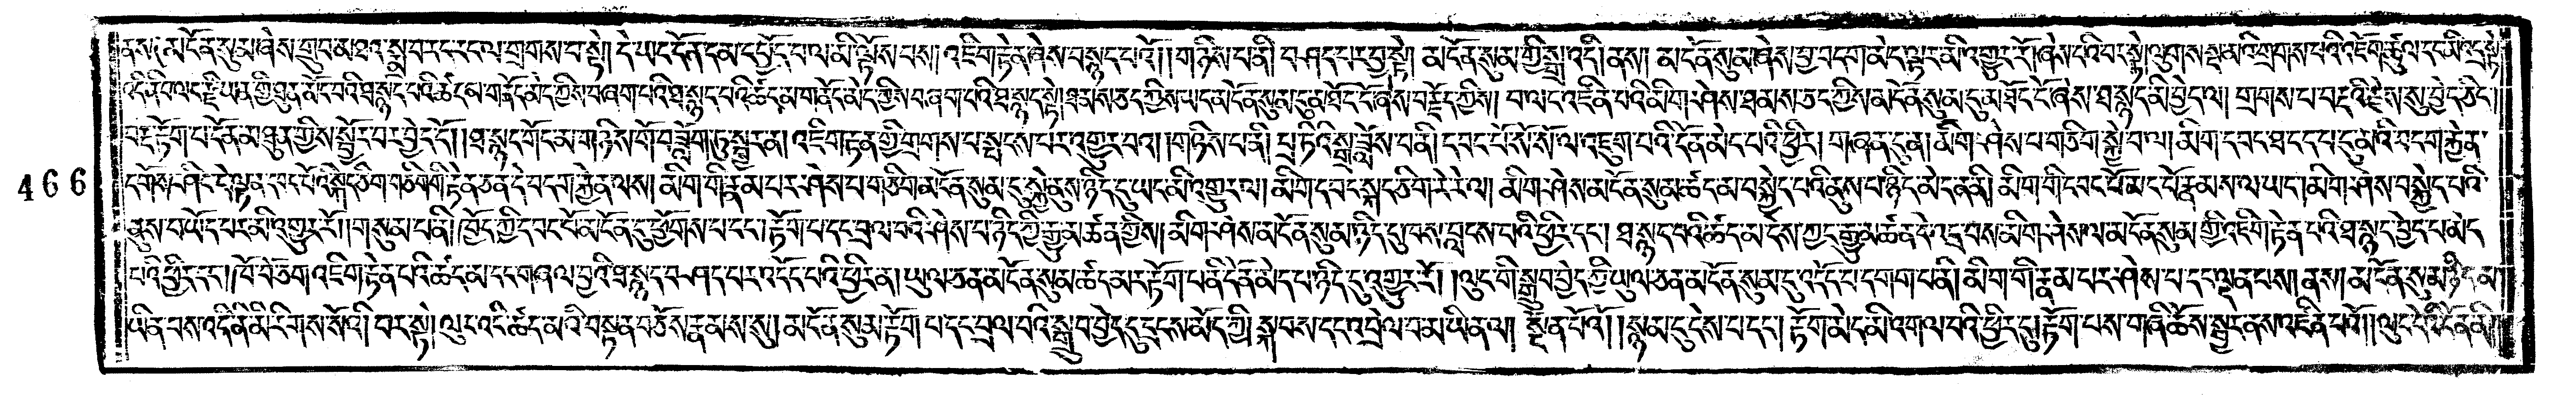ནས༑ མངོན་སུམ་ཞེས་གྲུབ་མཐའ་སྨྲ་བ་རང་རང་ལ་གྲགས་པ་སྟེ། དེ་ཡང་དོན་དམ་དཔྱོད་བ་ལ་མི་ལྟོས་བས། འཇིག་རྟེན་ཞེས་བསྙད་པའོ། །གཉིས་པ་ནི། བཤད་པར་བྱ་སྟེ། མངོན་སུམ་གྱི་སྒྲ་འདི། ནས། མངོན་སུམ་ཞེས་བྱ་བདག་མེད་ལྟར་མི་འགྱུར་རོ། ཞེས་བའི་བར་སྟེ། ལུགས་སྔ་མའི་གྲགས་པའི་འཇོག་ཚུལ་དང་མི་འདྲ་སྟེ་
འདི་ནི་བ་ལང་རྫི་ཡན་གྱི་ཐུན་མོང་བའི་ཐ་སྙད་པའི་ཚད་མ་གནོད་མེད་ཀྱིས་བཞག་པའི་ཐ་སྙད་པའི་ཚད་མ་གནོད་མེད་ཀྱིས་བཞག་པའི་ཐ་སྙད་སྟེ། ཐམས་ཅད་ཀྱིས་ཡང་མངོན་སུམ་དུ་མཐོང་ངོ་ཞེས་བརྗོད་ཀྱིས། བ་ལང་འཛིན་པའི་མིག་ཤེས་ཐམས་ཅད་ཀྱིས་མངོན་སུམ་དུ་མཐོང་ངོ་ཞེས་ཐ་སྙད་མི་བྱེད་ལ། གྲགས་པ་བརྡའི་རྗེས་སུ་བྱེད་ཅིང་།
བརྡ་རྟོག་པ་དོན་མཐུན་གྱིས་སྦྱོར་བར་བྱེད་དོ། །ཐ་སྙད་གོང་མ་གཉིས་གོ་བཟློག་ཏུ་སྦྱར་ན། འཇིག་རྟེན་གྱི་གྲགས་པ་སྤངས་བར་འགྱུར་བའོ། །གཉིས་པ་ནི། པྲ་ཏིའི་སྒྲ་ཟློས་བ་ནི། དབང་བོ་སོ་སོ་ལ་འཇུག་པའི་དོན་མེད་པའི་ཕྱིར། གཞན་དུ་ན། མིག་ཤེས་པ་གཅིག་སྐྱེ་བ་ལ། མིག་དབང་ཐ་དད་པ་དུ་མའི་བདག་རྐྱེན་
དགོས་ཤིང་དེ་ལྟར་དབང་པོའི་སྐད་ཅིག་གཅིག་གི་རྟེན་ཅན་དེ་བདག་རྐྱེན་ལས། མིག་གི་རྣམ་པར་ཤེས་པ་གཅིག་མངོན་སུམ་དུ་སྐྱེ་ནུས་ཉིད་དུ་ཡང་མི་འགྱུར་ལ། མིག་དབང་སྐད་ཅིག་རེ་རེ་ལ། མིག་ཤེས་མངོན་སུམ་ཚད་མ་བསྐྱེད་པའི་ནུས་པ་ཉིད་མེད་ན་ནི། མིག་གི་དབང་པོ་མང་པོ་རྣམས་ལ་ཡང་། མིག་ཤེས་བསྐྱེད་པའི་
ནུས་བ་ཡོད་པར་མི་འགྱུར་རོ། །གསུམ་པ་ནི། ཁྱོད་ཀྱི་དབང་པོ་མངོན་དུ་ཕྱོགས་པ་དང་། རྟོག་པ་དང་བྲལ་བའི་ཤེས་པ་ཉིད་ཀྱི་རྒྱུ་མཚན་གྱིས། མིག་ཤེས་མངོན་སུམ་ཉིད་དུ་ཁས་བླངས་པའི་ཕྱིར་དང་། ཐ་སྙད་པའི་ཚད་མ་ངེས་ཀྱང་རྒྱུ་མཚན་དེ་འདྲ་བས་མིག་ཤེས་ལ་མངོན་སུམ་གྱི་འཇིག་རྟེན་པའི་ཐ་སྙད་བྱེད་པ་མེད་
པའི་ཕྱིར་དང་། ཁོ་བོ་ཅག་འཇིག་རྟེན་པའི་ཚད་མ་དང་གཞལ་བྱའི་ཐ་སྙད་བཤད་པར་འདོད་པའི་ཕྱིར་ན། ཡུལ་ཅན་མངོན་སུམ་ཚད་མར་རྟོག་པ་ནི་དོན་མེད་པ་ཉིད་དུ་འགྱུར་རོ། །ལུང་གི་སྒྲུབ་བྱེད་ཀྱི་ཡུལ་ཅན་མངོན་སུམ་དུ་འདོད་པ་དགག་པ་ནི། མིག་གི་རྣམ་པར་ཤེས་པ་དང་ལྡན་པས། ནས། མངོན་སུམ་ཉིད་མ་
ཡིན་བས་འདི་ནི་མི་རིགས་སོའི། བར་སྟེ། ལུང་འདི་ཚད་མའི་བསྟན་བཅོས་རྣམས་སུ། མངོན་སུམ་རྟོག་པ་དང་བྲལ་བའི་སྒྲུབ་བྱེད་དུ་དྲངས་མོད་ཀྱི། སྐབས་དང་འབྲེལ་བ་མ་ཡིན་ལ། སྔོན་པོའོ། །སྙམ་དུ་ངེས་པ་དང་། རྟོག་མེད་མི་འགལ་བའི་ཕྱིར་དུ། རྟོག་པས་གཞི་ཆོས་སྦྱར་ནས་འཛིན་པའོ། །ལུང་དེའི་དོན་ནི།